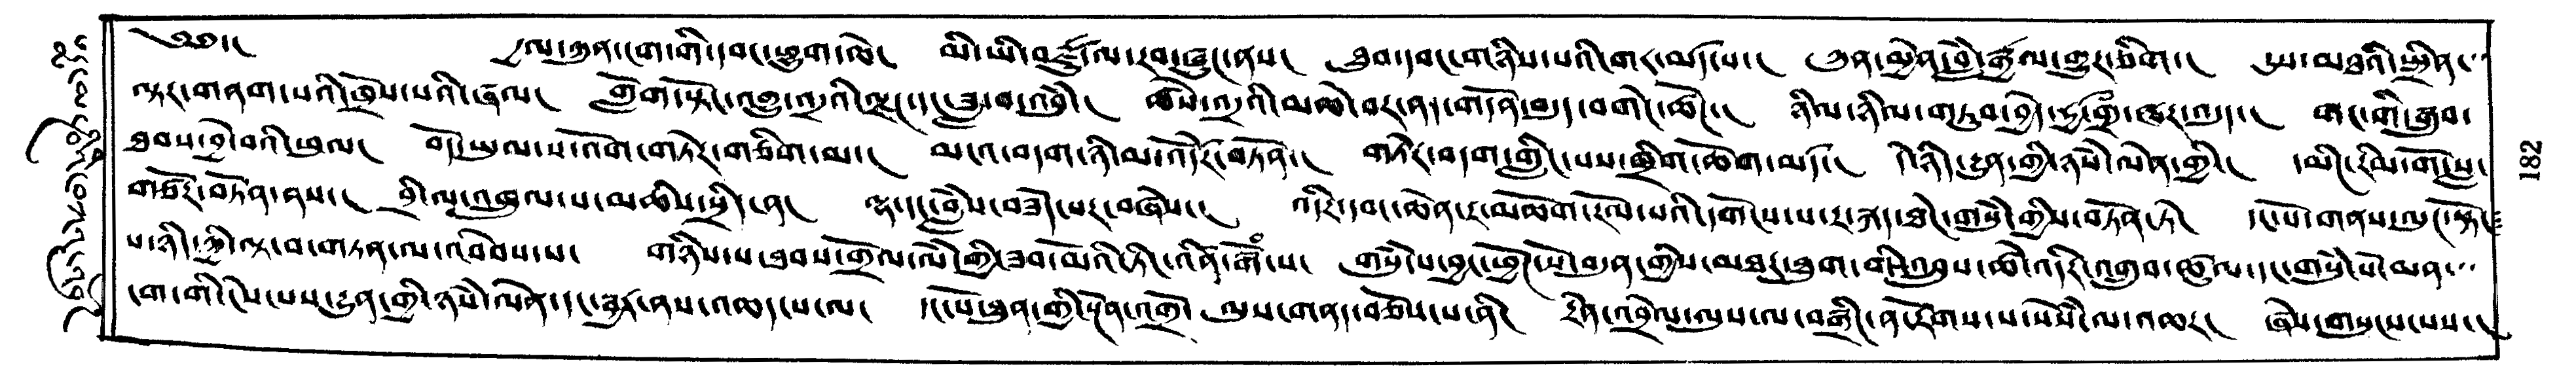རྒྱལ་ཀུན་ངག་གི་དབང་ཕྱུག་ཆེ། །མི་ཡི་བ་རྫུལ་རབ་བཞུགས་ནས། །ཐུབ་དབང་གཉིས་པའི་གར་མཛད་པ། །ཀུན་མཁྱེན་བླ་མ་རྒྱལ་གྱུར་ཅིག །དུས་མཐའི་སྤྲིན་
ལྟར་གནག་པའི་ཁྲོས་པའི་ཞལ། །གློག་སྟོང་འགྱུ་འདྲའི་ལྗགས་དང་ཟླ་བ་འབུམ། །ཚེས་འདྲའི་མཆེ་བར་ནད་གདོན་བདུད་བགེགས་ཚོགས། །ཉིལ་ཉིལ་གཏུབ་བྱེད་ཧྱ་གྲྀ་ཝར་འདུད། །གང་གི་སྒྲུབ་
ཐབས་བྱེ་བའི་ཕུལ། །བོད་ཡུལ་ས་འོག་གཏེར་གཅིག་མ། །མངའ་བདག་ཉི་མ་འོད་ཟེར་བཏོན། །གཏེར་བདག་གླིང་པས་ཁྲིགས་ཆོག་མཛད། །དེ་ཉིད་རྒྱུན་གྱི་ཉམས་ལེན་གྱི། །དམིགས་རིམ་གོ་སླ་
གཙོར་བཏོན་ནས། །འབྲི་ལ་འཁྲུལ་པ་མཆིས་སྲིད་ན། །ལྷ་དང་བླ་མས་བཟོད་པར་བཞེས། །འདིར་དབང་ཆེན་རྟ་མཆོག་རོལ་པའི་དགོངས་པ་རྟ་སྐད་ཐེགས་གསུམ་གྱིས་བསྟན་ཏེ། དང་པོ་གནས་ལུགས་སྟོང་
པ་ཉིད་ཀྱི་ལྟ་བ་གཏན་ལ་འབེབས་པ། གཉིས་པ་ཐབས་གྲོལ་ལམ་གྱི་ཟབ་མོའི་ཏིང་འཛིན་སྒོམ་པ། གསུམ་པ་བྱང་ཕྱོགས་སོ་བདུན་གྱིས་མཐར་ཐུག་གི་འབྲུ་ཚེ་འདིར་འགྲུབ་ཚུལ་བཅས་གསུམ་པོ་མན་
ངག་གི་ངེས་པས་རྒྱུན་གྱི་ཉམས་ལེན་དང་སྦྱར་ནས་འཆད་པ་ལ། དང་པོ་ཐུན་གྱི་སྔོན་འགྲོ་ལུས་གནད་བཅོས་པ་ནི། རྟེན་འབྲེལ་ལུས་ལ་བསྒྲིགས་ན་རྟོགས་པ་སེམས་ལ་འཆར། ཞེས་གསུངས་པས་